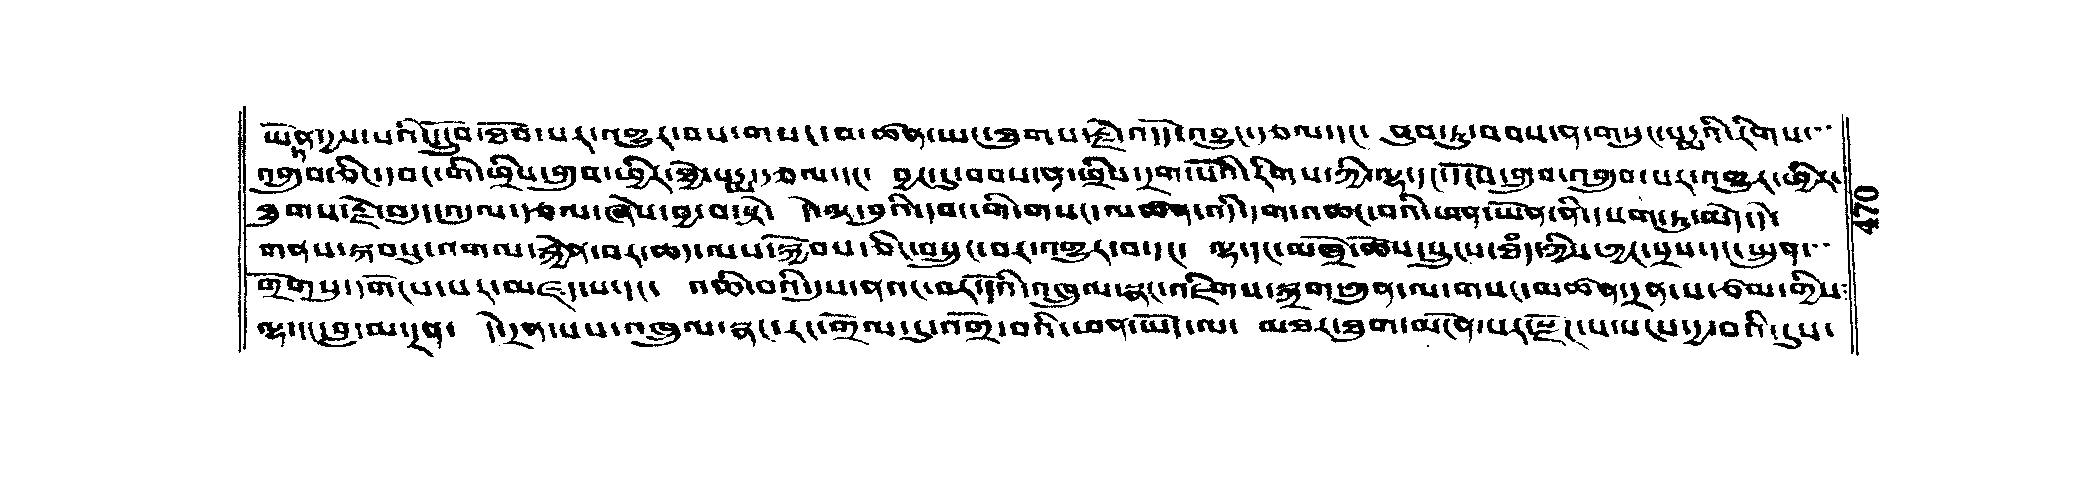ཡོན་ཏན་རྒྱས་པའི་དངོས་གྲུབ་ཐོབ་པར་འགྱུར་བས་གསང་མཚན་ཡང་ཐུགས་རྡོ་རྗེ་འདོད་འབྱུང་རྩལ་དང་། ནུབ་ཏུ་བབས་ན་གསུང་པདྨའི་རིགས་
འགྲུབ་ཅིང་དབང་གི་ཕྲིན་ལས་གྲུབ་ཕྱིར་ཐུགས་རྗེ་པདྨ་རྩལ་དང་། བྱང་དུ་བབས་ན་ཕྲིན་ལས་དྲག་པོའི་རིགས་ཀྱི་ལྷ་དང་དངོས་གྲུབ་འགྲུབ་པར་འགྱུར་ཕྱིར་
ཐུགས་རྗེ་བདུད་འདུལ་རྩལ་ཞེས་བྱ་བ་སྟེ། དེ་ལྟ་བུའི་དབང་གི་གསང་མཚན་འདི་དག་འཆང་བའི་ཕན་ཡོན་ནི་དཔག་ཏུ་མེད་དེ། 
གནས་སྐབས་སུ་འགལ་རྐྱེན་བར་ཆད་ལས་སྐྱོབ་ཅིང་བསྲུང་བར་འགྱུར་བ་དང་། ལྷ་དང་མཁའ་འགྲོ་ཆོས་སྲུངས་ཐམས་ཅད་ཀྱིས་ཀྱང་སྲས་དང་སྤུན
་གྲོགས་སུ་དགོངས་པར་མཛད་པ་དང་། འཆི་བའི་དུས་ནའང་བར་དོའི་འཁྲུལ་སྣང་འཇིགས་སྐྲག་ཀུན་ལ་གསང་མཚན་དྲན་པ་ཙམ་གྱིས་
ལྷ་དང་བླ་མ་དྲན། དེ་དྲན་པས་འཁྲུལ་སྣང་རང་གྲོལ་དུ་འགྲོ་བའི་ཕན་ཡོད་ལ། མཐར་ཐུག་མངོན་པར་རྫོགས་པ་སངས་རྒྱ་བའི་དུས་